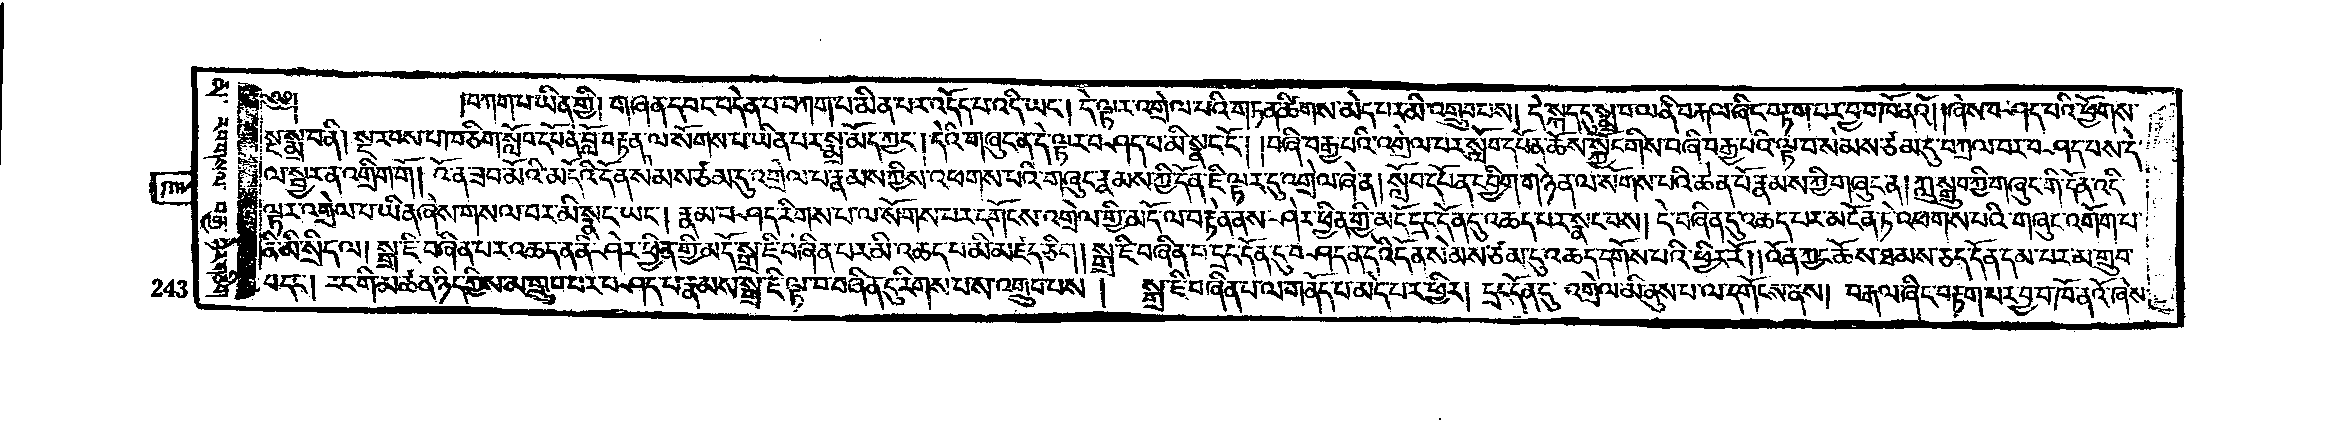༄༅། །བཀག་པ་ཡིན་གྱི། གཞན་དབང་བདེན་པ་བཀག་པ་མིན་པར་འདོད་པ་འདི་ཡང་། དེ་ལྟར་འགྲེལ་པའི་གཏན་ཚིགས་མེད་པར་མི་འགྲུབ་པས། དེ་སྐད་དུ་སྨྲ་བ་ལ་ནི་བརྒལ་ཞིང་བརྟག་པར་བྱ་བ་ཁོ་ནའོ། །ཞེས་བཤད་པའི་ཕྱོགས་
སྔ་སྨྲ་བ་ནི། སྔ་རབས་པ་ཁ་ཅིག་སློབ་དཔོན་བློ་བརྟན་ལ་སོགས་པ་ཡིན་པར་སྨྲ་མོད་ཀྱང་། དེའི་གཞུང་ན་དེ་ལྟར་བཤད་པ་མི་སྣང་ངོ། །བཞི་བརྒྱ་པའི་འགྲེལ་པར་སློབ་དཔོན་ཆོས་སྐྱོང་གིས་བཞི་བརྒྱ་པའི་ལྟ་བ་སེམས་ཙམ་དུ་བཀྲལ་བར་བཤད་པས་དེ་
ལ་སྦྱར་ན་འགྲིག་གོ །འོ་ན་ཟབ་མོའི་མདོའི་དོན་སེམས་ཙམ་དུ་འགྲེལ་པ་རྣམས་ཀྱིས་འཕགས་པའི་གཞུང་རྣམས་ཀྱི་དོན་ཇི་ལྟར་དུ་འགྲེལ་ཞེ་ན། སློབ་དཔོན་དབྱིག་གཉེན་ལ་སོགས་པའི་ཆེན་པོ་རྣམས་ཀྱི་གཞུང་ན། ཀླུ་སྒྲུབ་ཀྱི་གཞུང་གི་དོན་འདི་
ལྟར་འགྲེལ་པ་ཡིན་ཞེས་གསལ་བར་མི་སྣང་ཡང་། རྣམ་བཤད་རིགས་པ་ལ་སོགས་པར་དགོངས་འགྲེལ་གྱི་མདོ་ལ་བརྟེན་ནས་ཤེར་ཕྱིན་གྱི་མདོ་དྲང་དོན་དུ་འཆད་པར་སྣང་བས། དེ་བཞིན་དུ་འཆད་པར་མངོན་ཏེ་འཕགས་པའི་གཞུང་འགོག་པ་
ནི་མི་སྲིད་ལ། སྒྲ་ཇི་བཞིན་པར་འཆད་ན་ནི་ཤེར་ཕྱིན་གྱི་མདོ་སྒྲ་ཇི་བཞིན་པར་མི་འཆད་པ་མི་མཛད་ཅིག །སྒྲ་ཇི་བཞིན་པ་དྲང་དོན་དུ་བཤད་ན་དེའི་དོན་སེམས་ཙམ་དུ་འཆད་དགོས་པའི་ཕྱིར་རོ། །འོན་ཀྱང་ཆོས་ཐམས་ཅད་དོན་དམ་པར་མ་གྲུབ་
པ་དང་། རང་གི་མཚན་ཉིད་ཀྱིས་མ་གྲུབ་པར་བཤད་པ་རྣམས་སྒྲ་ཇི་ལྟ་བ་བཞིན་དུ་རིགས་པས་འགྲུབ་པས། སྒྲ་ཇི་བཞིན་པ་ལ་གནོད་པ་མེད་པའི་ཕྱིར། དྲང་དོན་དུ་འགྲེལ་མི་ནུས་པ་ལ་དགོངས་ནས། བརྒལ་ཞིང་བརྟག་པར་བྱ་བ་ཁོ་ནའོ་ཞེས་